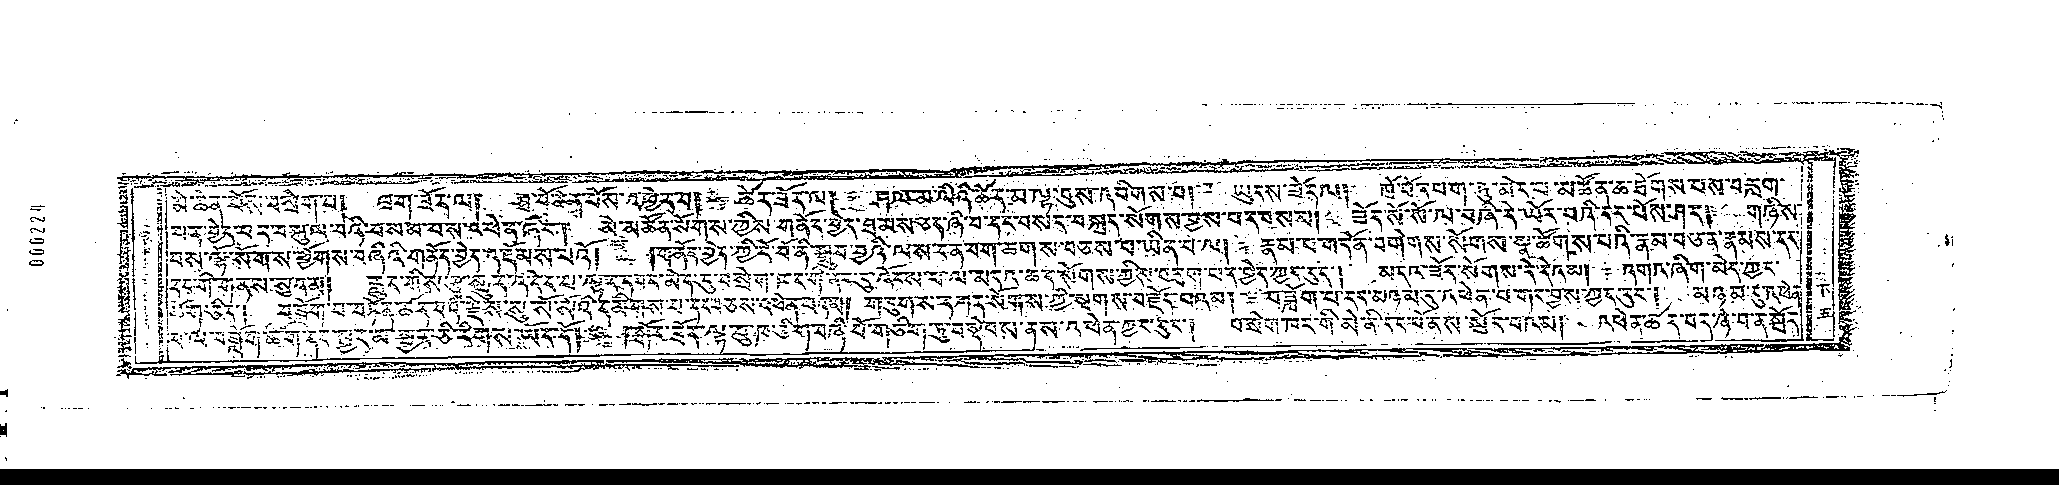མེ་ཆེན་པོས་བསྲེག་པ། ཁྲག་ཟོར་ལ། ཤྭ་པོ་ཆེན་པོས་འཁྱེར་པ། ཚེར་ཟོར་ལ། ཤལ་མ་ལིའི་ཚེར་མ་ལྟ་བུས་འབིགས་པ། ཡུངས་ཟོར་ལ། ཁྲོ་བོ་དཔག་ཏུ་མེད་པ་མཚོན་ཆ་ཐོགས་པས་བརླག །
བར་བྱེད་པར་བསྐུལ་བའི་བསམ་པས་འཕེན་ཞིང་། མེ་མཚོན་སོགས་ཀྱིས་གནོད་བྱེད་ཐམས་ཅད་ཞི་བ་དང་བསང་བསྐྲང་སོགས་བྱས་པར་བསམ། ཟོར་སོ་སོ་ལ་བཞི་རེ་ཡོད་པའི་དང་པོས་ཤར། གཉིས་
པས་ལྷོ་སོགས་ཕྱོགས་བཞིའི་གནོད་བྱེད་འཇོམས་པའོ། གནོད་བྱེད་ཀྱི་ངོ་བོ་ནི་སྒྲུབ་བྱའི་ལས་ངན་བག་ཆགས་བཅས་པ་ཡིན་པ་ལ། རྣམ་པ་གདོན་བགེགས་སོགས་སྣ་ཚོགས་པའི་རྣམ་པ་ཅན་རྣམས་རང་
རང་གི་གནས་སུ་འམ། རླུང་གིས་རྩྭ་སྦུར་འདེང་པ་ལྟར་དབང་མེད་དུ་བསྲེག་ཁང་གི་ནང་དུ་འོངས་པ་ལ་མདའ་ཆར་སོགས་ཀྱིས་བརླག་པར་བྱེད་ཀྱང་རུང་། མདའ་ཟོར་སོགས་རེ་རེའམ། འགའ་ཞིག་མེད་ཀྱང་
ཆོག་ཅིང་། བཟློག་པ་བཏོན་ཚར་བའི་རྗེས་སུ་སོ་སོའི་དམིགས་པ་དང་བཅས་འཕེན་བ་འམ། གདུགས་དཀར་སོགས་ཀྱི་སྔགས་བརྗོད་པའམ། བཟློག་པ་དང་མཉམ་དུ་འཕེན་པ་གང་བྱས་ཀྱང་རུང་། མཉམ་དུ་འཕེན་
པ་ལ་བཟློག་ཚིག་དང་སྦྱར་མ་སྦྱར་ཅི་རིགས་ཡོད་དོ། །སྒོང་ཟོར་ལྟ་བུ་ཁ་ཅིག་བཞི་བོ་གཅིག་ཏུ་བསྡེབས་ནས་འཕེན་ཀྱང་རུང་། བསྲེག་ཁང་གི་མེ་ནི་དང་པོ་ནས་སྤོར་བའམ། འཕེན་ཚར་བར་ཉེ་བན་སྤོར་